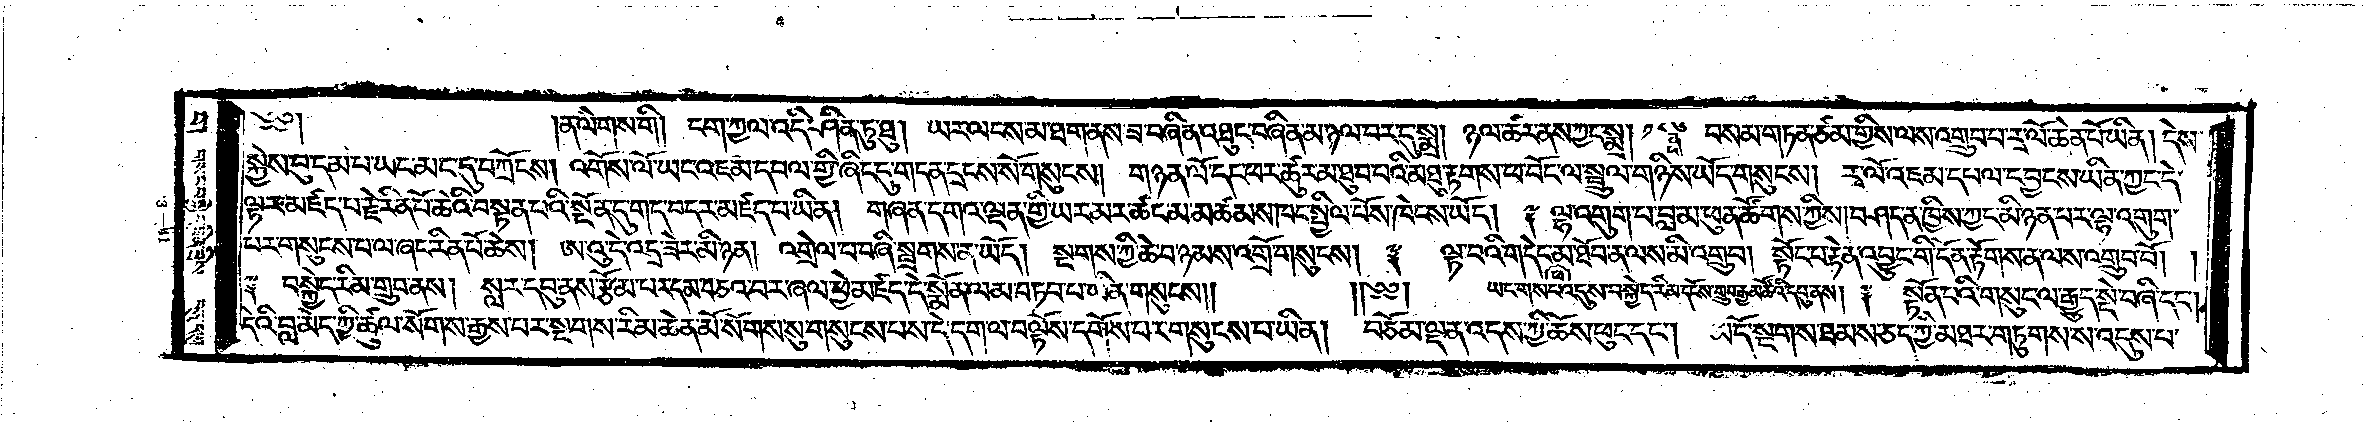༄༅། །ན་ལིགས་གི། ངག་ཀྱལ་འདི་ཤིན་ཏུ་ཐུ། ཡར་ལངས་མ་ཐག་ནས་ཟ་བཞིན་འཐུང་བཞིན་མ་ཉལ་བར་དུ་སྨྲ། ཉལ་ཚར་ནས་ཀྱང་སྨྲ། ༡༨༦ན༥་བསམ་གཏན་ཙམ་གྱིས་ལས་འགྲུབ་པ་རྭ་ལོ་ཆེན་པོ་ཡིན། དེས་
སྐྱེས་བུ་དམ་པ་ཡང་མང་དུ་བཀྲོངས། འགོས་ལོ་ཡང་འཇམ་དཔལ་གྱི་ཞིང་དུ་གདན་དྲངས་སོ་གསུངས། གཉན་ལོ་དང་ཕར་ཚུར་མ་ཐུབ་པའི་མཐུ་རྟགས་ཕ་བོང་ལ་སྦྲུལ་གཉིས་ཡོད་གསུངས། རྭ་ལོ་འཇམ་དཔལ་དབྱངས་ཡིན་ཀྱང་དེ་
ལྟར་མཛད་པ་རྗེ་རིན་པོ་ཆེའི་བསྟན་པའི་སྔོན་དུ་གད་བདར་མཛད་པ་ཡིན། གཞན་དགའ་ལྡན་གྱི་ཡར་མར་ཚང་མ་མཚམས་ཁང་སྤྱིལ་པོས་ཁེངས་ཡོད། ༈ ལྷ་འགུག་པ་བླ་མ་ཕུན་ཚོགས་ཀྱིས་།བཤད་ན་ཁྱིས་ཀྱང་མི་ཉན་པར་ལྷ་འགུག་
པར་གསུངས་པ་ལ་ཞང་རིན་པོ་ཆེས། ཨ་འུ་དེ་འདྲ་ཟེར་མི་ཉན། འགྲེལ་པ་བཞི་སྦྲགས་ན་ཡོད། སྔགས་ཀྱི་ཆེ་བ་ཉམས་འགྲོ་གསུངས། ༈ ལྟ་བའི་གདེང་མ་ཐོབ་ན་ལས་མི་འགྲུབ། སྟོང་པ་རྟེན་འབྱུང་གི་དོན་རྟོགས་ན་ལས་འགྲུབ་བོ། །
༈ བསྐྱེད་རིམ་གྲུབ་ནས། སླར་དབུ་ནས་རྩོམ་པར་དམ་བཅའ་བར་ཞལ་ཕྱེ་མཛད་དེ་སྨོན་ལམ་བཏབ་པ་ཡིན་གསུངས།། །།༄༅། ཡང་གསང་འདུས་བསྐྱེད་རིམ་དངོས་གྲུབ་རྒྱ་མཚོའི་དབུ་ནས།  ༈ སྟོན་པའི་གསུང་ལ་རྒྱུད་སྡེ་བཞི་དང་།
དེའི་བླ་མེད་ཀྱི་ཚུལ་སོགས་རྒྱས་པར་སྔགས་རིམ་ཆེན་མོ་སོགས་སུ་གསུངས་པས་དེ་དག་ལ་བལྟོས་དགོས་པར་གསུངས་པ་ཡིན། བཅོམ་ལྡན་འདས་ཀྱི་ཆོས་ཕུང་དང་། མདོ་སྔགས་ཐམས་ཅད་ཀྱི་མཐར་གཏུགས་ས་འདུས་པ་